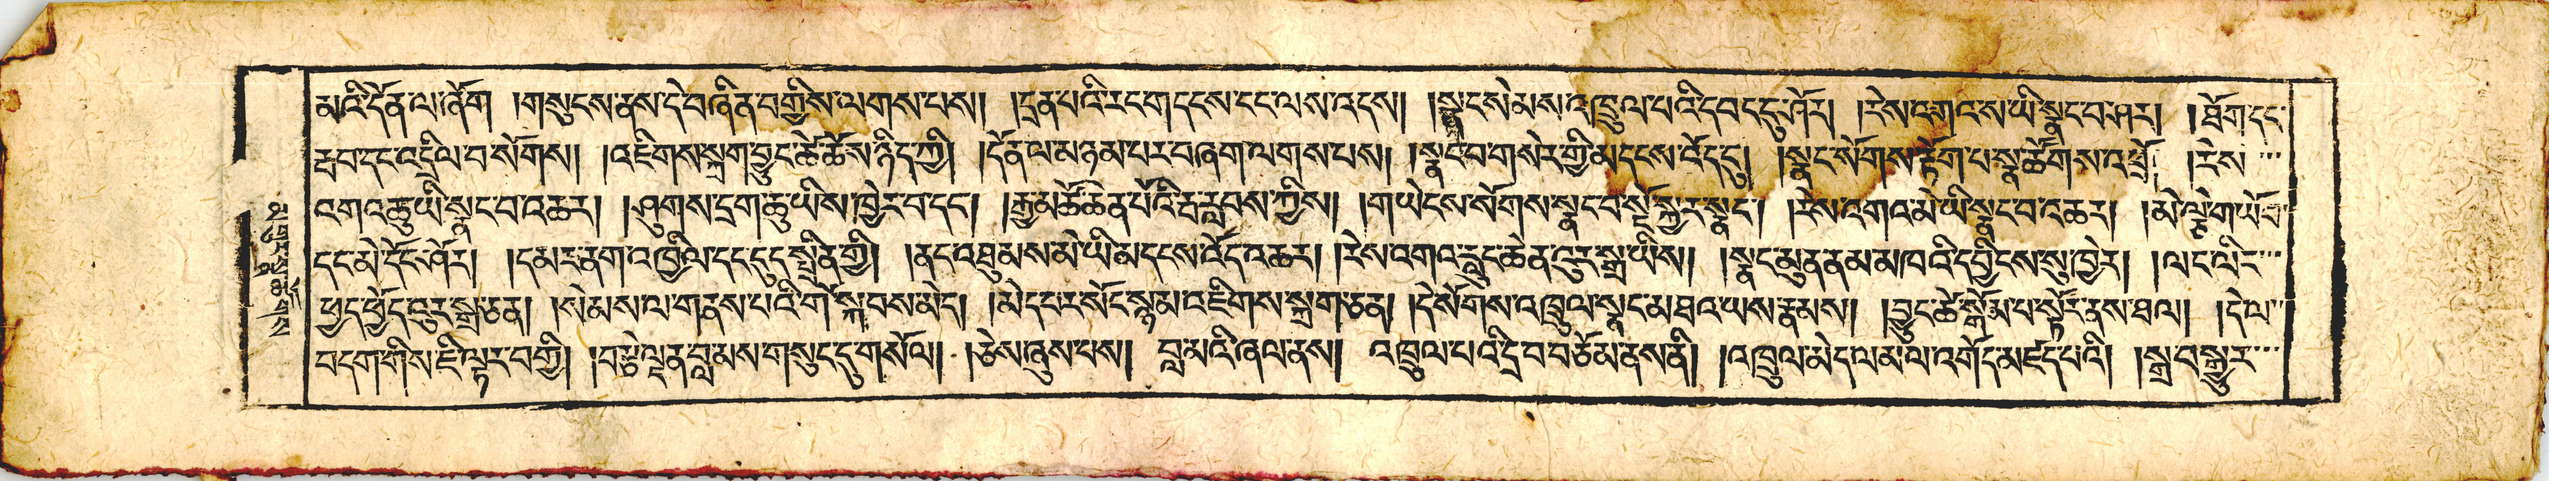མའི་དོན་ལ་ཞོག །གསུངས་ནས་དེ་བཞིན་བགྱིས་ལགས་པས། །དྲན་པའི་རང གདངས་ངང་ལས་འདས། །སྣང་སེམས་འཁྲུལ་པའི་དབང་དུ་ཤོར། །རེས་འགའ་ས་ཡི་སྣང་བ་ཤར། །ཐོག་དང་
རྦབ་དང་འདྲིལ་བ་སོགས། །འཇིགས་སྐྲག་བྱུང་ཚེ་ཆོས་ཉིད་ཀྱི། །དོན་ལ་མཉམ་པར་བཞག་ལགས་པས། །སྣང་བ་གསེར་གྱི་མདངས་འོད དུ། །སྣང་སོགས་རྟོག་པ་སྣ་ཚོགས་འཕྲོ། །རེས་
འགའ་ཆུ་ཡི་སྣང་བ་འཆར། །ཤུགས་དྲག་ཆུ་ཡིས་ཁྱེར་བ་དང་། །རྒྱ་མཚོ་ཆེན་པོའི་རྦ་རླབས་ཀྱིས། །གཡེངས་སོགས་སྣང་བ་སྔོ་སྐྱར་སྣང་། །རེས་འགའ་མེ་ཡི་སྣང་བ་འཆར། །མེ་ལྕེ་གཡོབ་
དང་མེ་དོང་ཤོར། །དམར་ནག་འཁྱིལ་དང་དུད་སྤྲིན་གྱི། །ནང་འཐུམས་མེ་ཡི་མདངས་འོད་འཆར། །རེས་འགའ་རླུང་ཆེན་འུར་སྒྲ་ཡིས། །སྣང་མུན་ནམ་མཁའི་དབྱིངས་སུ་ཁྱེར། །ལང་ལིང་
ཕྱད་ཕྱོད་བུན་སྒྲ་ཅན། །སེམས་ལ་གནས་པའི་གོ་སྐབས་མེད། །མེད་པར་སོང་སྙམ་འཇིགས་སྐྲག་ཅན། །དེ་སོགས་འཁྲུལ་སྣང་མཐའ་ཡས་རྣམས། །བྱུང་ཚེ་སྒོམ་པ་སྟོར་ནས་ཐལ། །དེ་ལ་
བདག་གིས་ཇི་ལྟར་བགྱི། །བརྩེ་ལྡན་བླ་མས་གསུང་དུ་གསོལ། །ཅེས་ཞུས་པས། བླ་མའི་ཞལ་ནས། འཁྲུལ་པའི་དྲྭ་བ་བཅོམ་ནས་ནི། །འཁྲུལ་མེད་ལམ་ལ་འགོད་མཛད་པའི། །སྒྲ་བསྐྱུར་